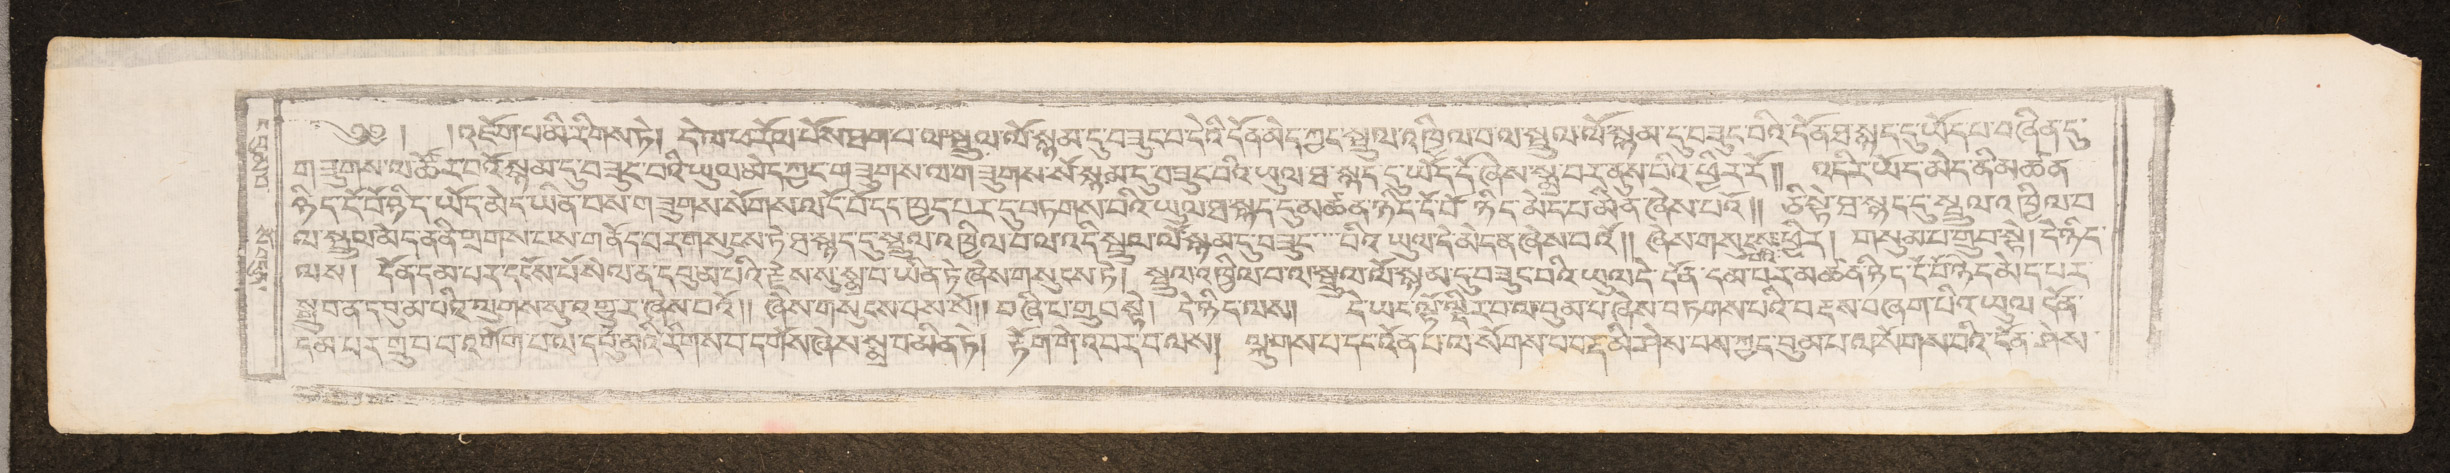༄༅། །འཇོག་པ་མི་རིགས་ཏེ། དེ་ལ་ཕ་རོལ་པོས་ཐག་པ་ལ་སྦྲུལ་ལོ་སྙམ་དུ་བཟུང་བ་དེའི་དོན་མེད་ཀྱང་སྦྲུལ་འཁྱིལ་བ་ལ་སྦྲུལ་ལོ་སྙམ་དུ་བཟུང་བའི་དོན་ཐ་སྙད་དུ་ཡོད་པ་བཞིན་དུ་
གཟུགས་ལ་ཚོར་བའོ་སྙམ་དུ་བཟུང་བའི་ཡུལ་མེད་ཀྱང་གཟུགས་ལ་གཟུགས་སོ་སྙམ་དུ་བཟུང་བའི་ཡུལ་ཐ་སྙད་དུ་ཡོད་དོ་ཞེས་སྨྲ་བར་ནུས་པའི་ཕྱིར་རོ།། འདིར་ཡོད་མེད་ནི་མཚན་
ཉིད་ངོ་བོ་ཉིད་ཡོད་མེད་ཡིན་པས་གཟུགས་སོགས་ལ་ངོ་བོ་དང་ཁྱད་པར་དུ་བཏགས་པའི་ཡུལ་ཐ་སྙད་དུ་མཚན་ཉིད་ངོ་བོ་ཉིད་མེད་པ་མིན་ཞེས་པའོ།། ཅི་སྟེ་ཐ་སྙད་དུ་སྦྲུལ་འཁྱིལ་བ་
ལ་སྦྲུལ་མེད་ན་ནི་གྲགས་པས་གནོད་པར་གསུངས་ཏེ་ཐ་སྙད་དུ་སྤྲུལ་འཁྱིལ་བ་ལ་འདི་སྦྲུལ་ལོ་སྙམ་དུ་བཟུང་བའི་ཡུལ་དེ་མེད་ན་ཞེས་པའོ།། ཞེས་གསུངས་ཕྱིར། གསུམ་པ་གྲུབ་སྟེ། དེ་ཉིད་
ལས། དོན་དམ་པར་དངོས་པོ་སེལ་ན་དབུ་མ་པའི་རྗེས་སུ་སྨྲ་བ་ཡིན་ཏེ་ཞེས་གསུངས་ཏེ། སྦྲུལ་འཁྱིལ་བ་ལ་སྦྲུལ་ལོ་སྙམ་དུ་བཟུང་བའི་ཡུལ་དེ་དོན་དམ་པར་མཚན་ཉིད་ངོ་བོ་ཉིད་མེད་པར་
སྒྲུབ་ན་དབུ་མ་པའི་ལུགས་སུ་འགྱུར་ཞེས་པའོ།། ཞེས་གསུངས་པས་སོ།། བཞི་པ་གྲུབ་སྟེ། དེ་ཉིད་ལས། དེ་ཡང་ལྟོ་ལྡིར་བ་ལ་བུམ་པ་ཞེས་བཏགས་པའི་བརྡས་བཞག་པའི་ཡུལ་དོན་
དམ་པར་གྲུབ་པ་འགོག་པ་ལ་དབུ་མའི་རིགས་པ་དགོས་ཞེས་སྨྲ་བ་མིན་ཏེ། རྟོག་གེ་འབར་བ་ལས། ལྐུགས་པ་དང་འོན་པ་ལ་སོགས་པ་བརྡ་མི་ཤེས་པས་ཀྱང་བུམ་པ་ལ་སོགས་པའི་དོན་ཤེས་